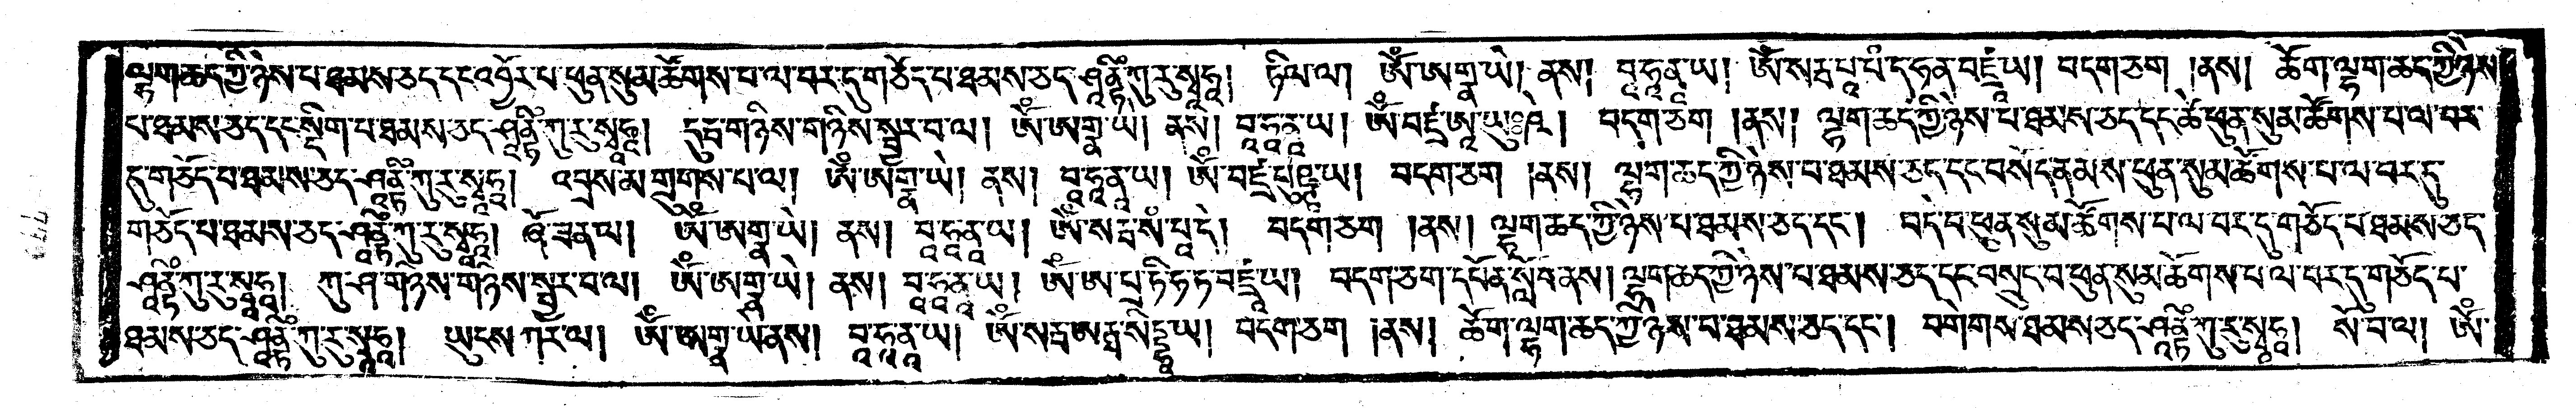ལྷག་ཆད་ཀྱི་ཉེས་པ་ཐམས་ཅད་དང་འབྱོར་པ་ཕུན་སུམ་ཚོགས་པ་ལ་བར་དུ་གཅོད་པ་ཐམས་ཅད་ཤཱནྟིཾ་ཀུ་རུ་སྭཱཧཱ། ཏིལ་ལ། ཨོཾ་ཨགན་ཡེ། ནས། བཱ་ཧཱ་ནཱ་ཡ། ཨོཾ་སརྦ་པཱ་པཾ་ད་ཧན་བཛྲཱ་ཡ། བདག་ཅག །ནས། ཆོག་ལྷག་ཆད་ཀྱི་ཉེས་
པ་ཐམས་ཅད་དང་སྡིག་པ་ཐམས་ཅད་ཤཱནྟིཾ་ཀུ་རུ་སྭཱཧཱ། དུརྦ་གཉིས་གཉིས་སྦྱར་བ་ལ། ཨོཾ་ཨགན་ཡ། ནས། བཱ་ཧཱ་ནཱ་ཡ། ཨོཾ་བཛྲ་ཨཱ་ཡུཿཥེ། བདག་ཅག །ནས། ལྷག་ཆད་ཀྱི་ཉེས་པ་ཐམས་ཅད་དང་ཚེ་ཕུན་སུམ་ཚོགས་པ་ལ་བར་
དུ་གཅོད་པ་ཐམས་ཅད་ཤཱུནྟིཾ་ཀུ་རུ་སྭཱཧཱ། འབྲས་མ་གྲུགས་པ་ལ། ཨོཾ་ཨགན་ཡེ། ནས། བཱ་ཧཱ་ནཱ་ཡ། ཨོཾ་བཛྲ་པུཥྚཱ་ཡ། བདག་ཅག །ནས། ལྷག་ཆད་ཀྱི་ཉེས་པ་ཐམས་ཅད་དང་བསོད་ནམས་ཕུན་སུམ་ཚོགས་པ་ལ་བར་དུ་
གཅོད་པ་ཐམས་ཅད་ཤཱནྟིཾ་ཀུ་རུ་སྭཱཧཱ། ཞོ་ཟན་ལ། ཨོཾ་ཨགན་ཡེ། ནས། བཱ་ཧཱ་ནཱ་ཡ། ཨོཾ་སརྦ་སཾ་པཱ་དེ། བདག་ཅག །ནས། ལྷག་ཆད་ཀྱི་ཉེས་པ་ཐམས་ཅད་དང་། བདེ་བ་ཕུན་སུམ་ཚོགས་པ་ལ་བར་དུ་གཅོད་པ་ཐམས་ཅད་
ཤཱནྟིཾ་ཀུ་རུ་སྭཱཧཱ། ཀུ་ཤ་གཉིས་གཉིས་སྦྱར་བ་ལ། ཨོཾ་ཨགན་ཡེ། ནས། བཱ་ཧཱ་ནཱ་ཡ། ཨོཾ་ཨ་པྲ་ཏི་ཧ་ཏ་བཛྲཱ་ཡ། བདག་ཅག་དཔོན་སློབ་ནས། ལྷག་ཆད་ཀྱི་ཉེས་པ་ཐམས་ཅད་དང་བསྲུང་བ་ཕུན་སུམ་ཆོགས་པ་ལ་བར་དུ་གཅོད་པ་
ཐམས་ཅད་ཤཱནྟིཾ་ཀུ་རུ་སྭཱཧཱ། ཡུངས་ཀར་ལ། ཨོཾ་ཨགན་ཡེ་ནས། བཱ་ཧཱ་ནཱ་ཡ། ཨོཾ་སརྦ་ཨརྠ་སིདྡྷཱ་ཡ། བདག་ཅག །ནས། ཆོག་ལྷག་ཆད་ཀྱི་ཉེས་པ་ཐམས་ཅད་དང་། བགེགས་ཐམས་ཅད་ཤཱནྟིཾ་ཀུ་རུ་སྭཱཧཱ། སོ་བ་ལ། ཨོཾ་